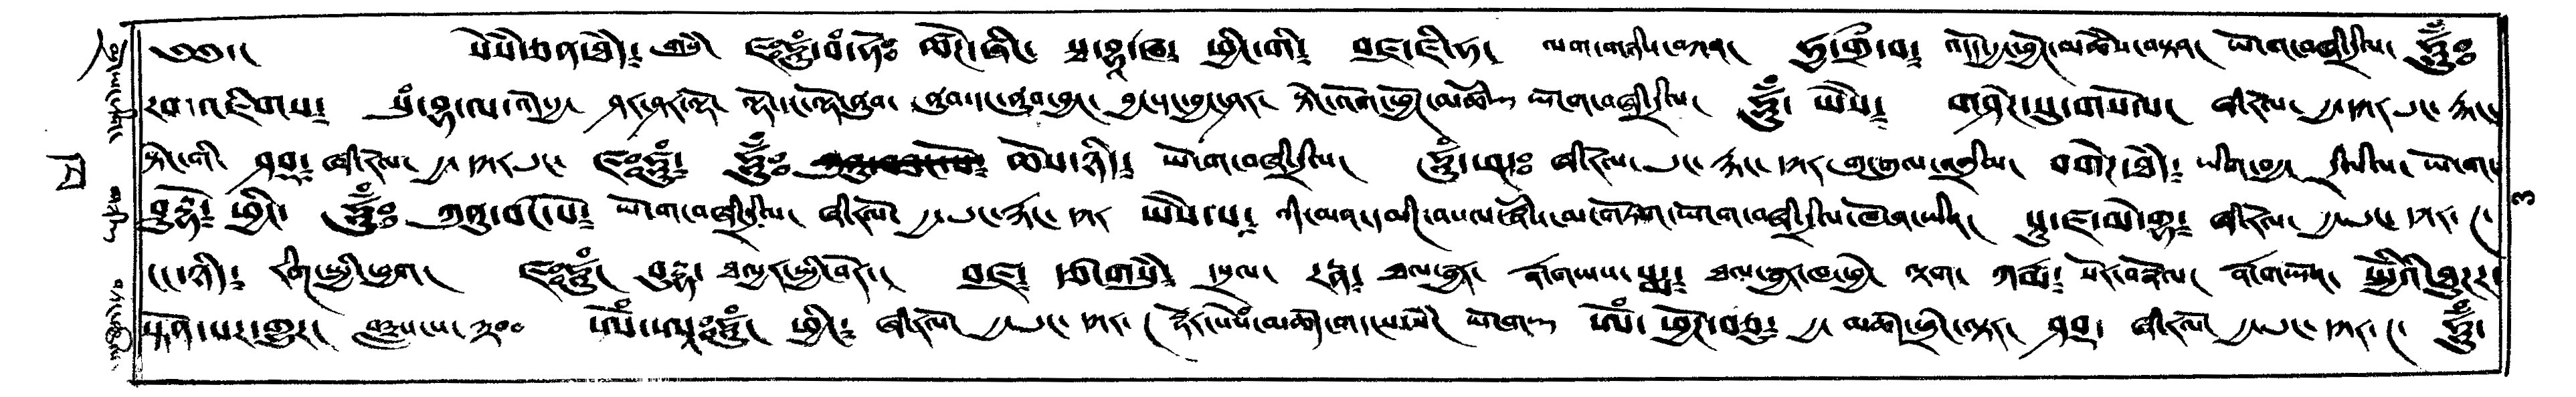སེམས་ཅན་ཐམས་ཅད༴ གསུམ། ཛཿཧཱུཾ་བཾ་ཧོཿ ཚོགས་ཞིང་། སྭ་བྷཱ་ཝ། ཕྱི་ནང་གི༴ བཛྲ་ཛི་ཧ་ལག་གཉིས་བཀན། ཧྱ་གྲྀ་བ༴ འདོད་རྒྱ་ཕྱོགས་མཚམས་བསྟན། ཡོ་ག་བཞི་དྲིལ། ཧཱུྃཿ 
རབ་འཇིགས༴ སུཾ་བྷ་ལ་འདོད་རྒྱ། ཤར་དང་ཤར་ལྷོ། ལྷོ་དང་ལྷོ་ནུབ། ནུབ་དང་ནུབ་བྱང་། བྱང་དང་བྱང་ཤར། སྟེང་འོག་ཕྱོགས་མཚམས། ཡོ་ག་བཞི་དྲིལ། ཧཱུྃ ཡེ་ཤེས༴ གཤེགས་སུ་གསོལ། ཞི་རོལ། རྒྱ་དཀར། དུང་། རྐང་། 
སྟེང་གི། ཤབྡ༴ ཞི་རོལ། རྒྱ། དཀར། དུང་། ཛཿཧཱུྃ༴ ཧཱུྃཿ ཆོས་ཉིད༴ ཡོ་ག་བཞི་དྲིལ། ཧཱུྃ་ཕཊཿ ཞི་རོལ། དུང་། རྐང་། དཀར། གུ་གུལ་འགྲིམ།བགེགས་ཐམས་ཅད༴ ཡིག་བརྒྱ། དྲི་སིལ། ཡོ་ག 
ཤུདྡྷོ༴ ཕྱི་ནང་། ཧཱུྃཿ ཀུན་ཏུ་བཟང་པོ༴ ཡོ་ག་བཞི་དྲིལ། ཞི་རོལ། རྒྱ་དུང་རྐང་། དཀར། ཡེ་ཤེས་པ༴ འདི་མན་དམིགས་བསལ་རྣམས་མ་གཏོགས་ཡོ་ག་བཞི་དྲིལ་ཁོ་ན་ཡིན། པཱུ་ཛ་མེ་གྷ༴ ཞི་རོལ། རྒྱ། དུང་། དཀར། ཌཱ། 
ངང་ཉིད༴ རིགས་སྤྱི་ཕྱག ཛཿཧཱུྃཿབུདྡྷ ཐལ་སྦྱར་སྤྱི་བོར། བཛྲ༴ རྩ་གསུམ༴ དཔྲལ། རཏྣ༴ ཐལ་སྦྱར། རྣ་གཡས། པདྨ༴ ཐལ་སྦྱར་ཁ་ཕྱེ། ལྟག ཀརྨ༴ སོར་བསྣོལ། རྣ་གཡོན། སྤྱི་བོའམ་ཐུགས་ཀར་
སྟོན་པར་གྱུར། བཟླས་པ་སུམ་བརྒྱ། ཨོཾ་ཨཱཿཧཱུཾ་ཕྱི་ནང༴ ཞི་རོལ། རྒྱ། དུང་། དཀར། ཌཱ། རྡོར་སེམས་མཆོད་གདངས་སམ། ཡོ་གས། ཨོཾ་ཕྱོགས་བཅུ༴ རྒྱ། མཆོད་ཕྲེང་ལྟར། ཤབྡ། ཞི་རོལ། རྒྱ། དུང་། དཀར། ཌཱ། ཧཱུྃ་